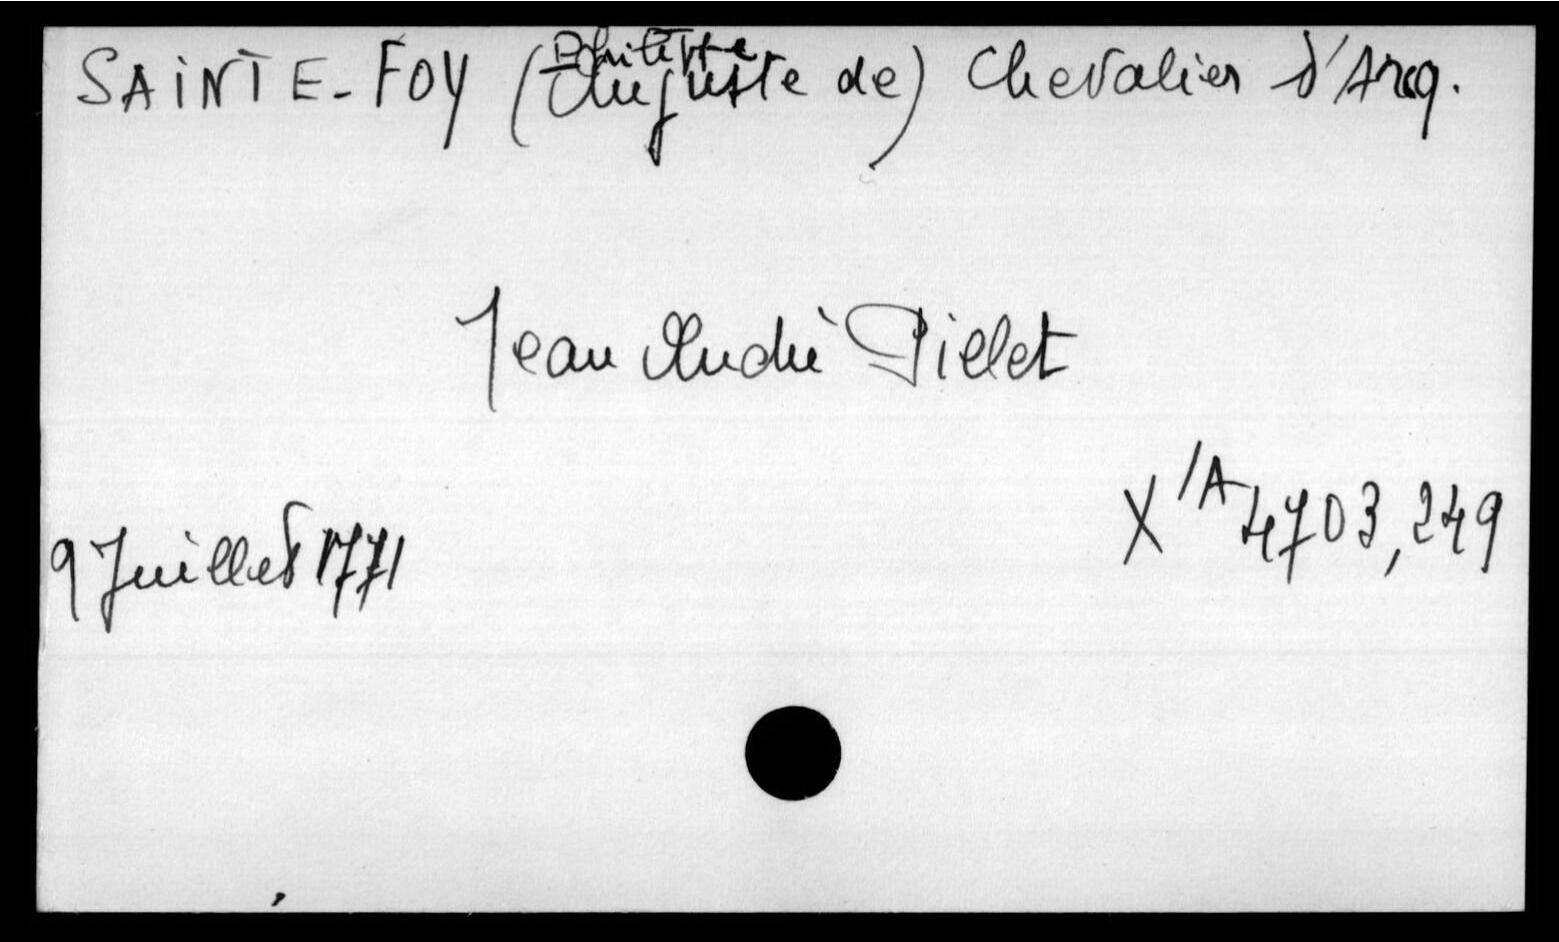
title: SAINTE-FOY (Philippe Auguste de) Chevalier d'Arcq
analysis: Contre Jean André Pillet
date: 9 juillet 1771
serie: X1A
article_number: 4703
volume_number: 249
